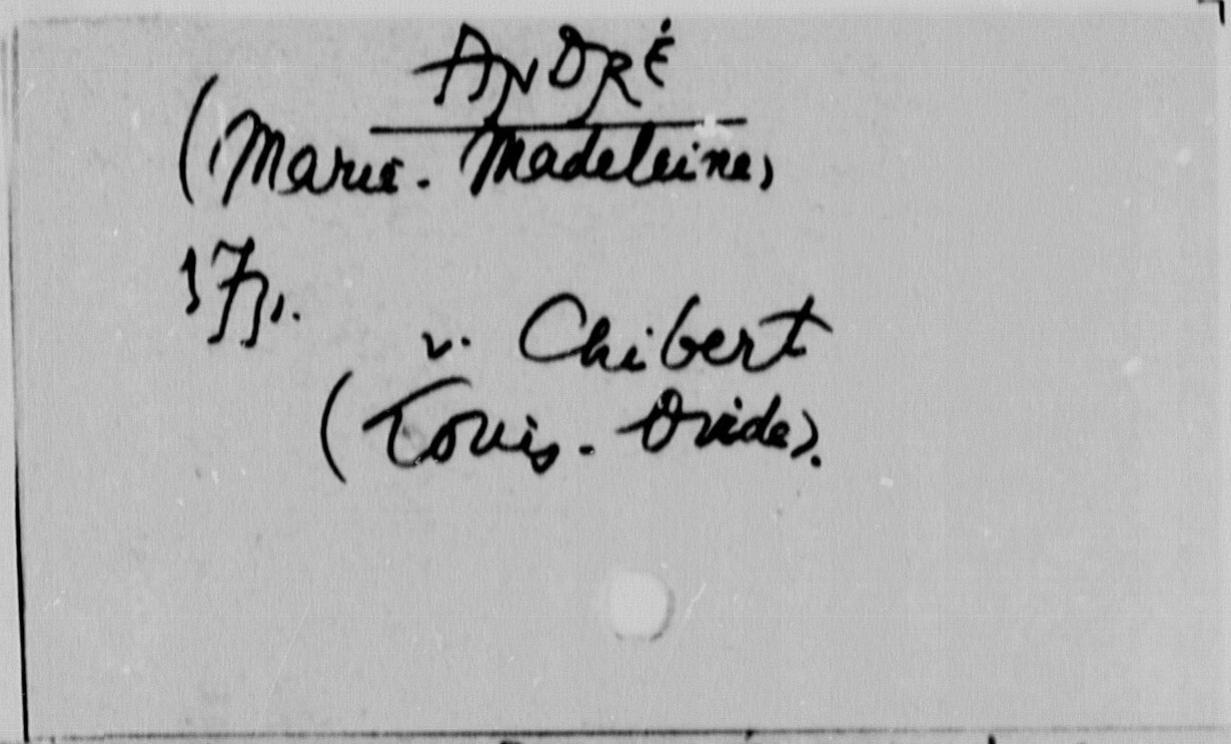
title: ANDRÉ (Marie-Madeleine)
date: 1711
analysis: Voir Chibert (Louis-Ovide)
